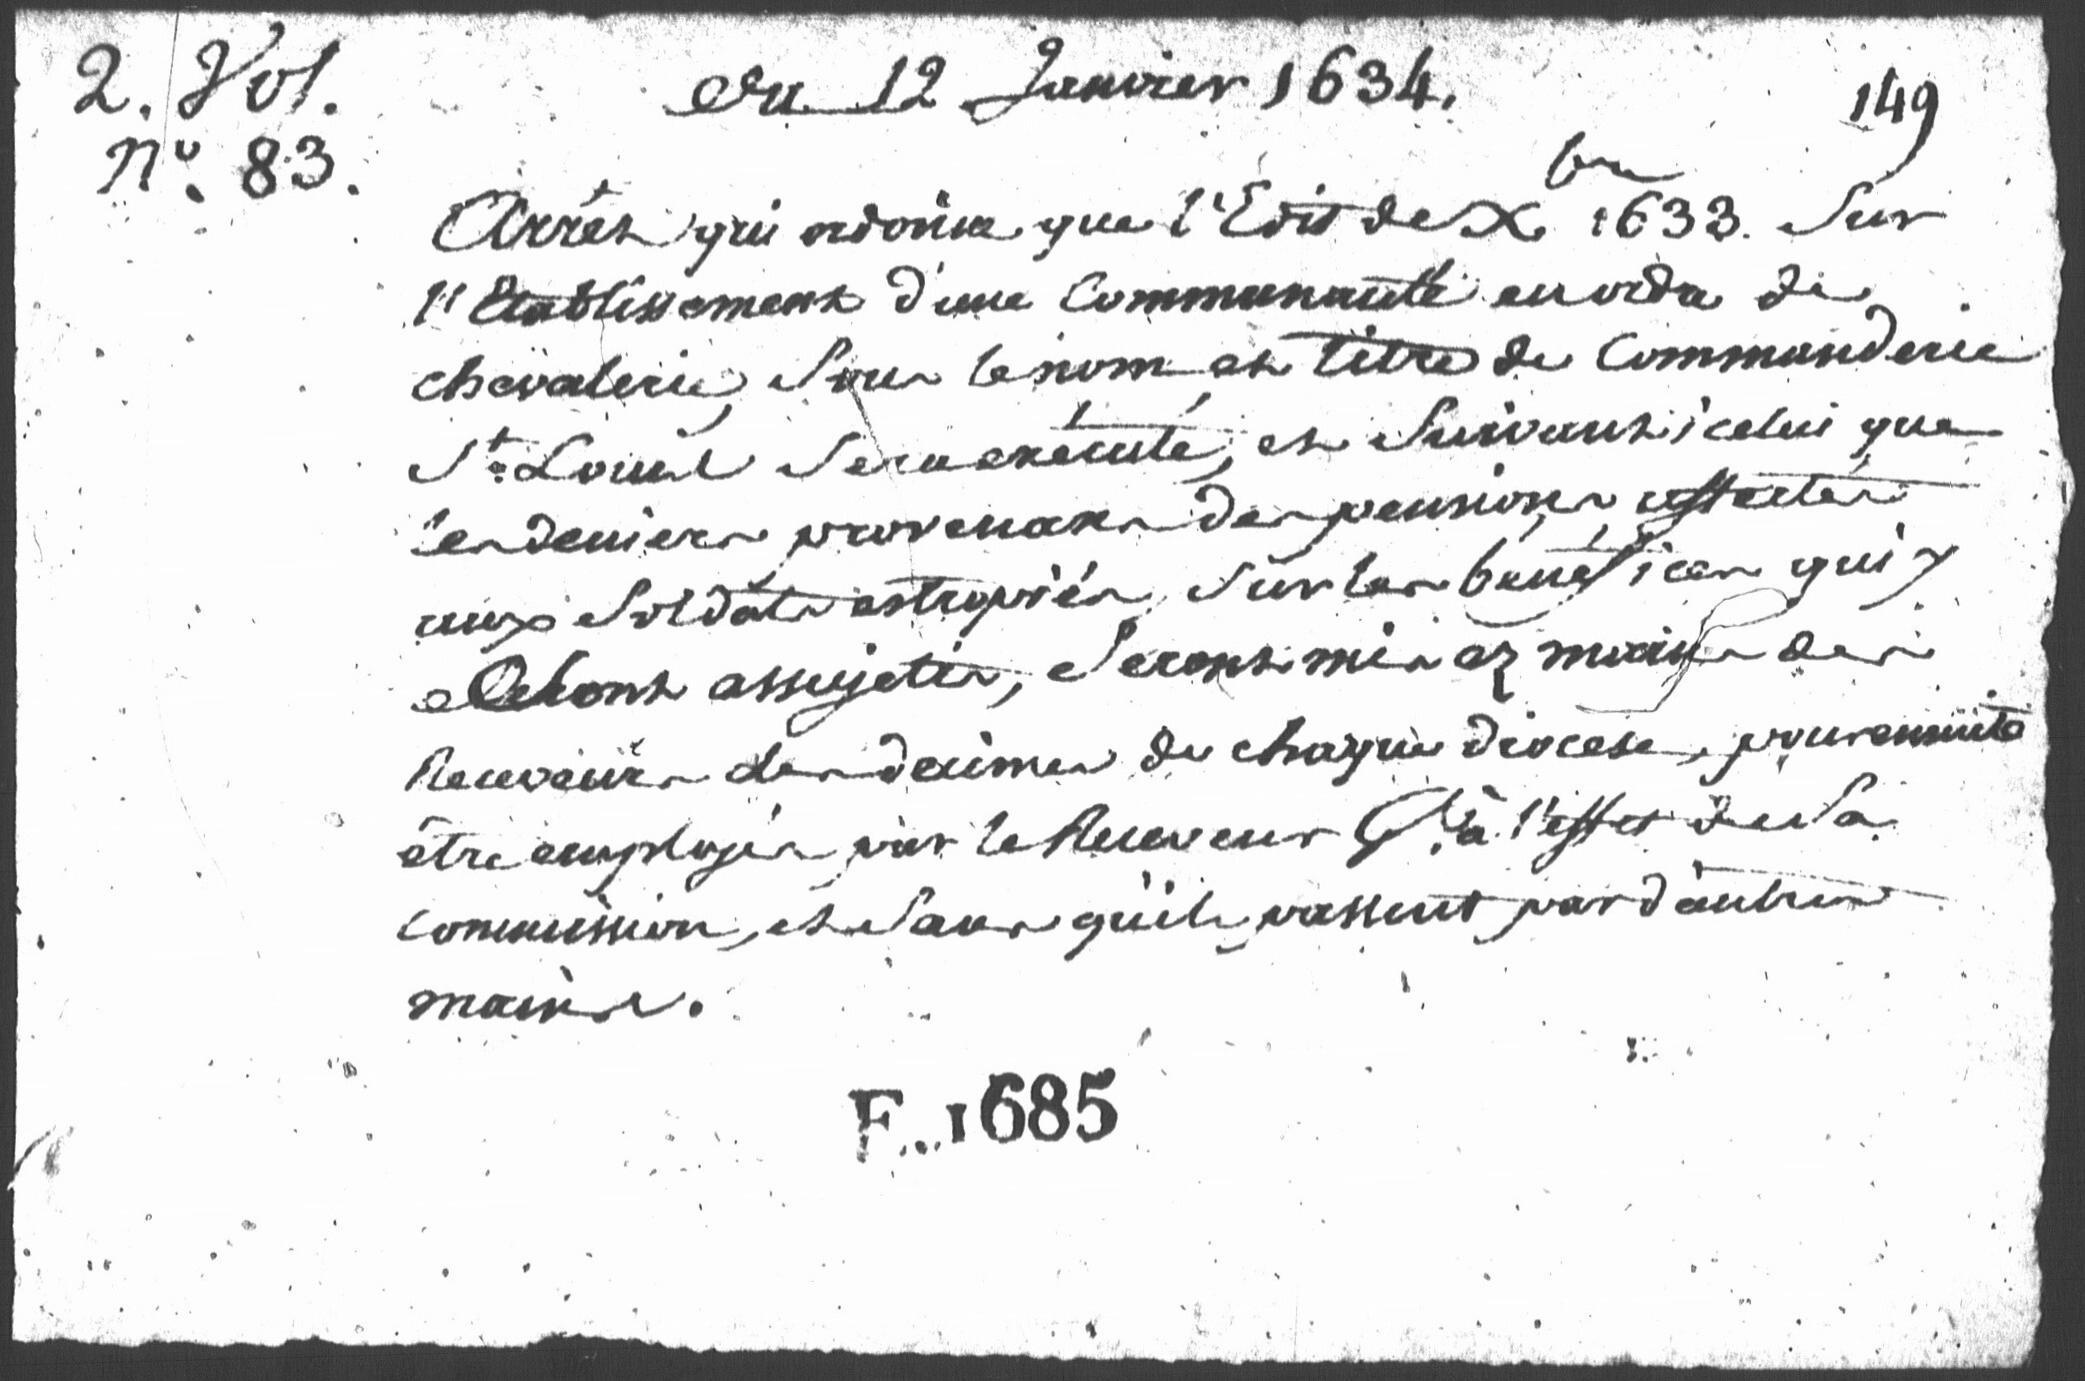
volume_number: n°83
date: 12 janvier 1634
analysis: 149
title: Arrêt qui ordonne que l'Edit de Xbre 1633 sur l'etablissement d'une communauté en ordre de chevalerie sous le nom et titre de commanderie S.t Louis sera exécuté, et suivant icelui que les deniers provenans des pensions affectés aux soldats estropiés sur les bénéfices qui y sont assujetis , seront mis ez mains des receveurs des decimes de chaque diocèse, pour ensuite être employés par le Receveur G.l à l'effet de sa commission, et sans qu'ils passent par d'autres mains.
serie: E
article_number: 1685
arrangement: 2. vol.
